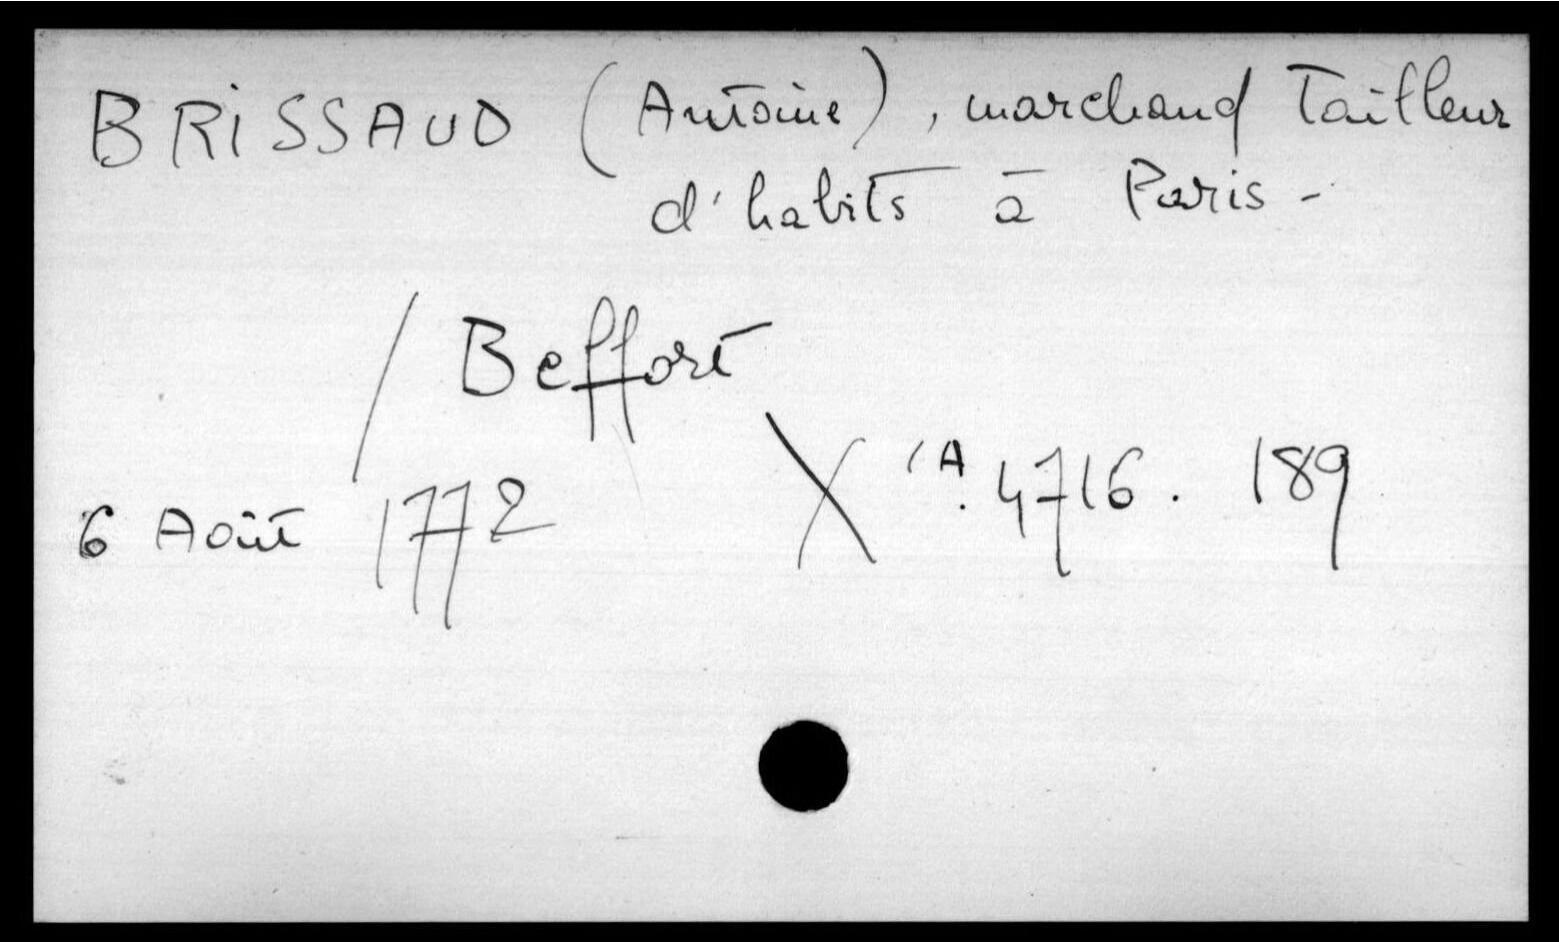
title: BRISSAUD (Antoine), marchand tailleur d'habits à Paris.
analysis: Contre Beffort
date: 6 août 1772
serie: X1A
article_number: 4716
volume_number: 189
